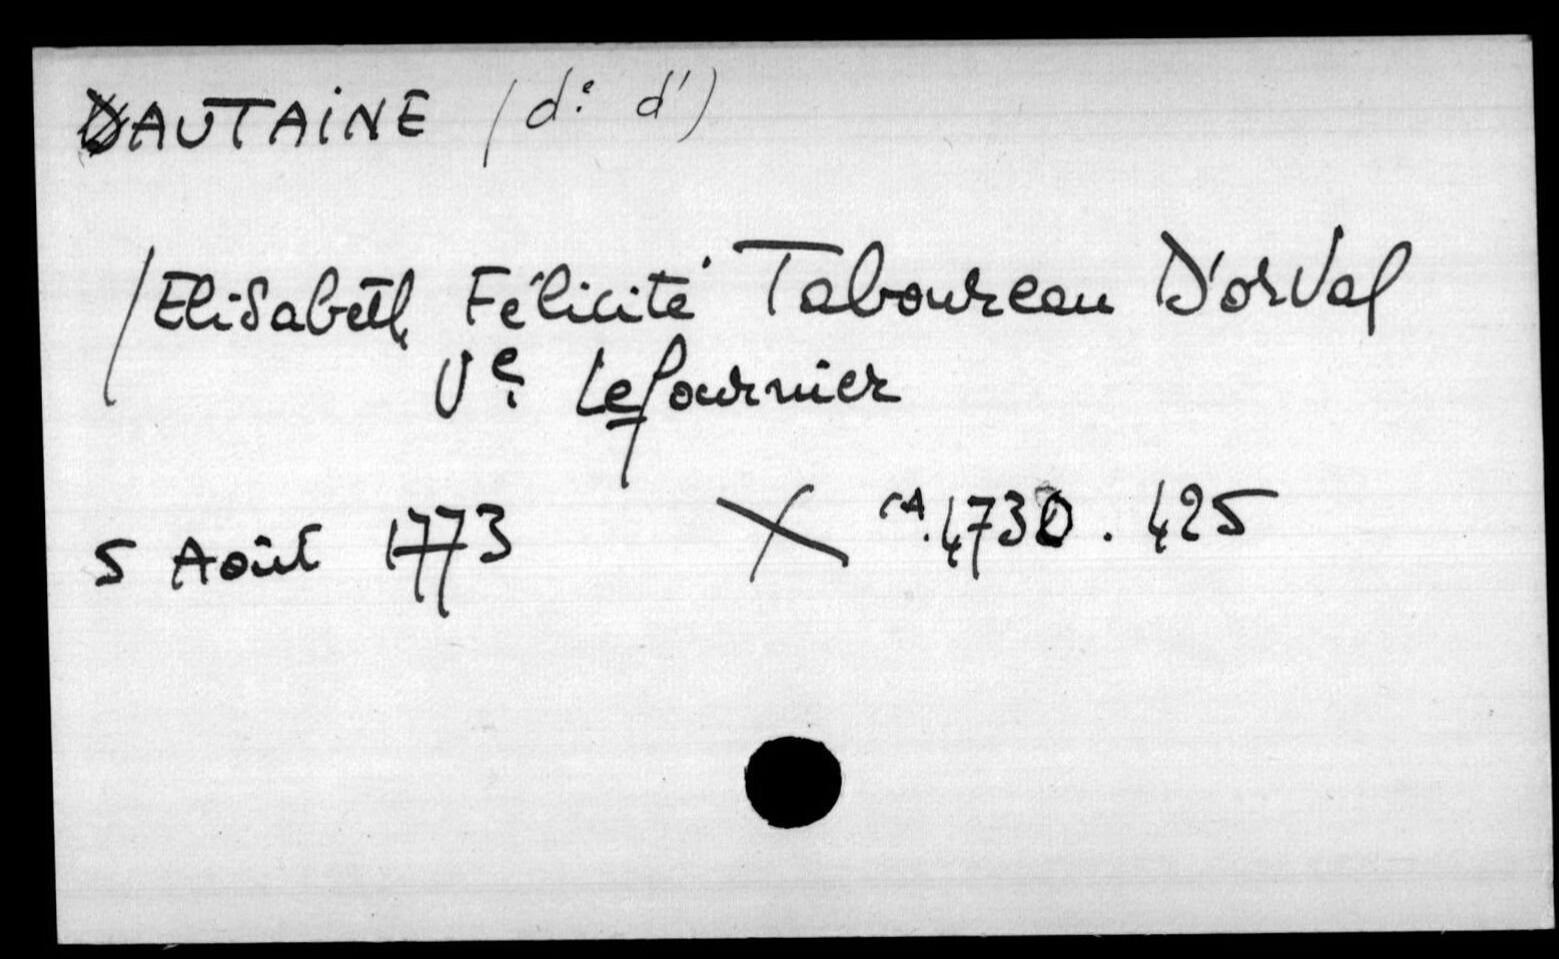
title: AUTAINE (damoiselle d')
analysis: Contre Élisabeth Félicité Taboureau d'orval Veuve Lefournier
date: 5 août 1773
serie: X1A
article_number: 4730
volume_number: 425
